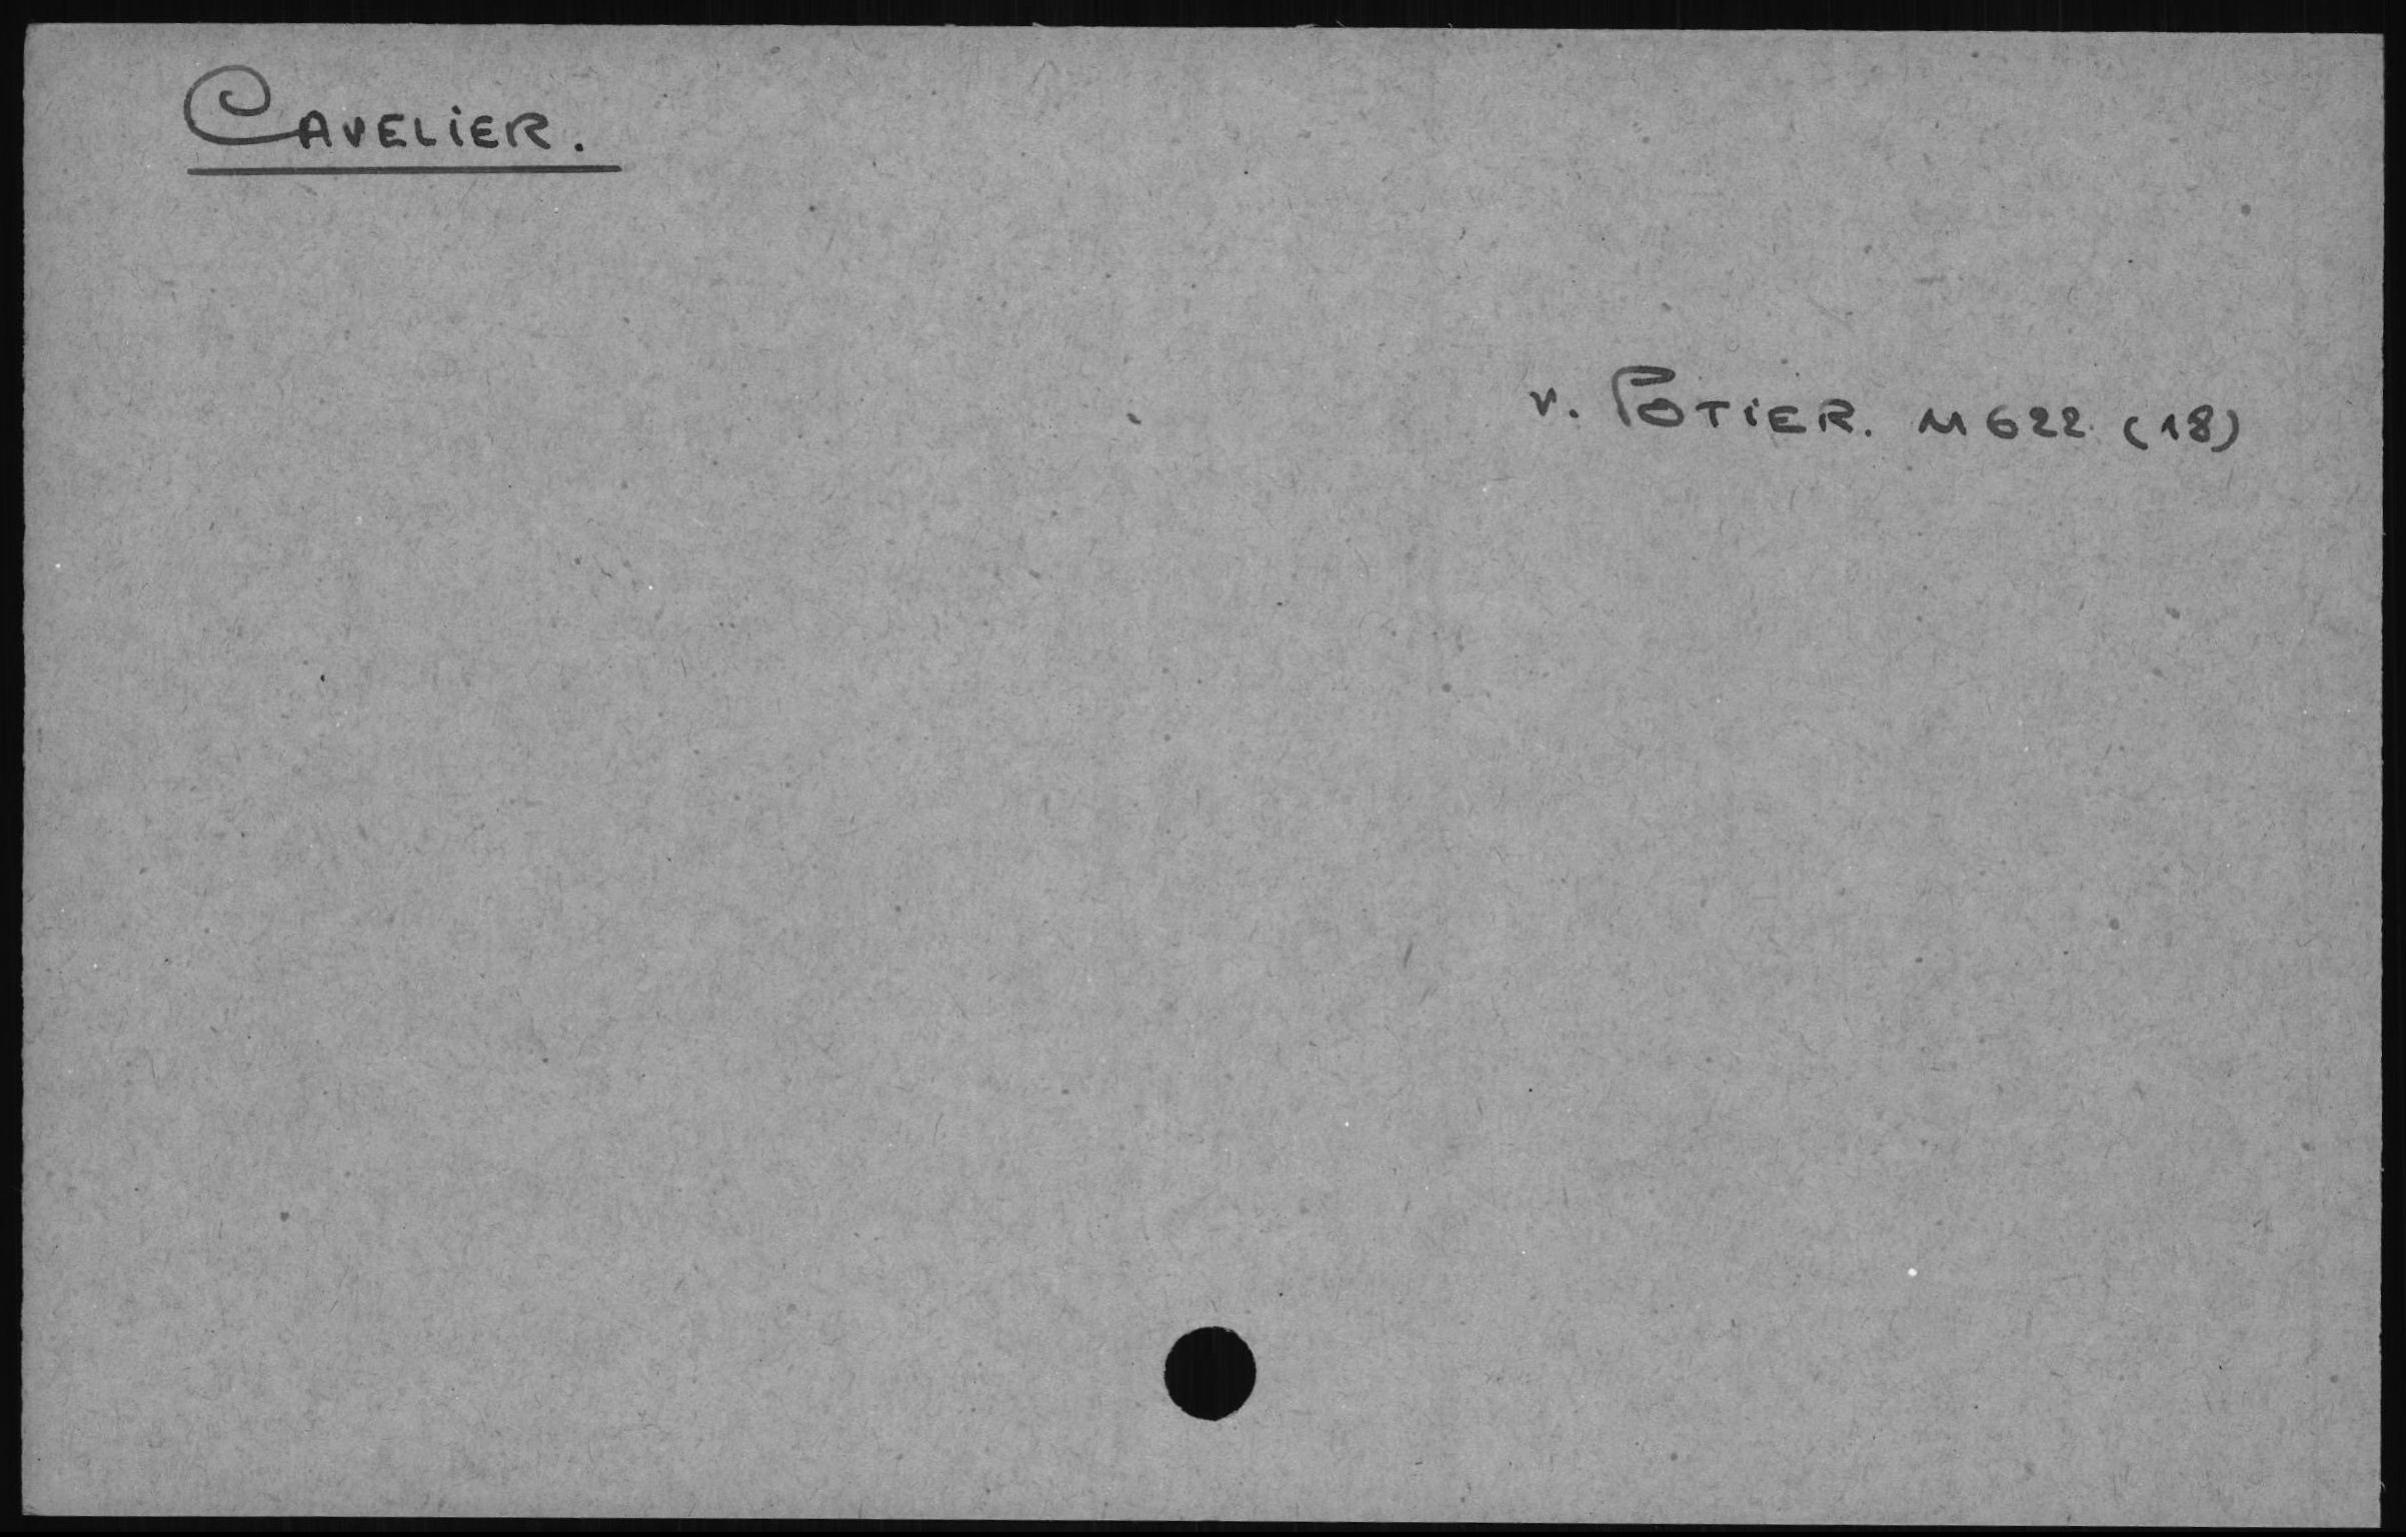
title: CAVELIER
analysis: voir : POTIER.
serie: M
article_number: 622
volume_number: (18)
